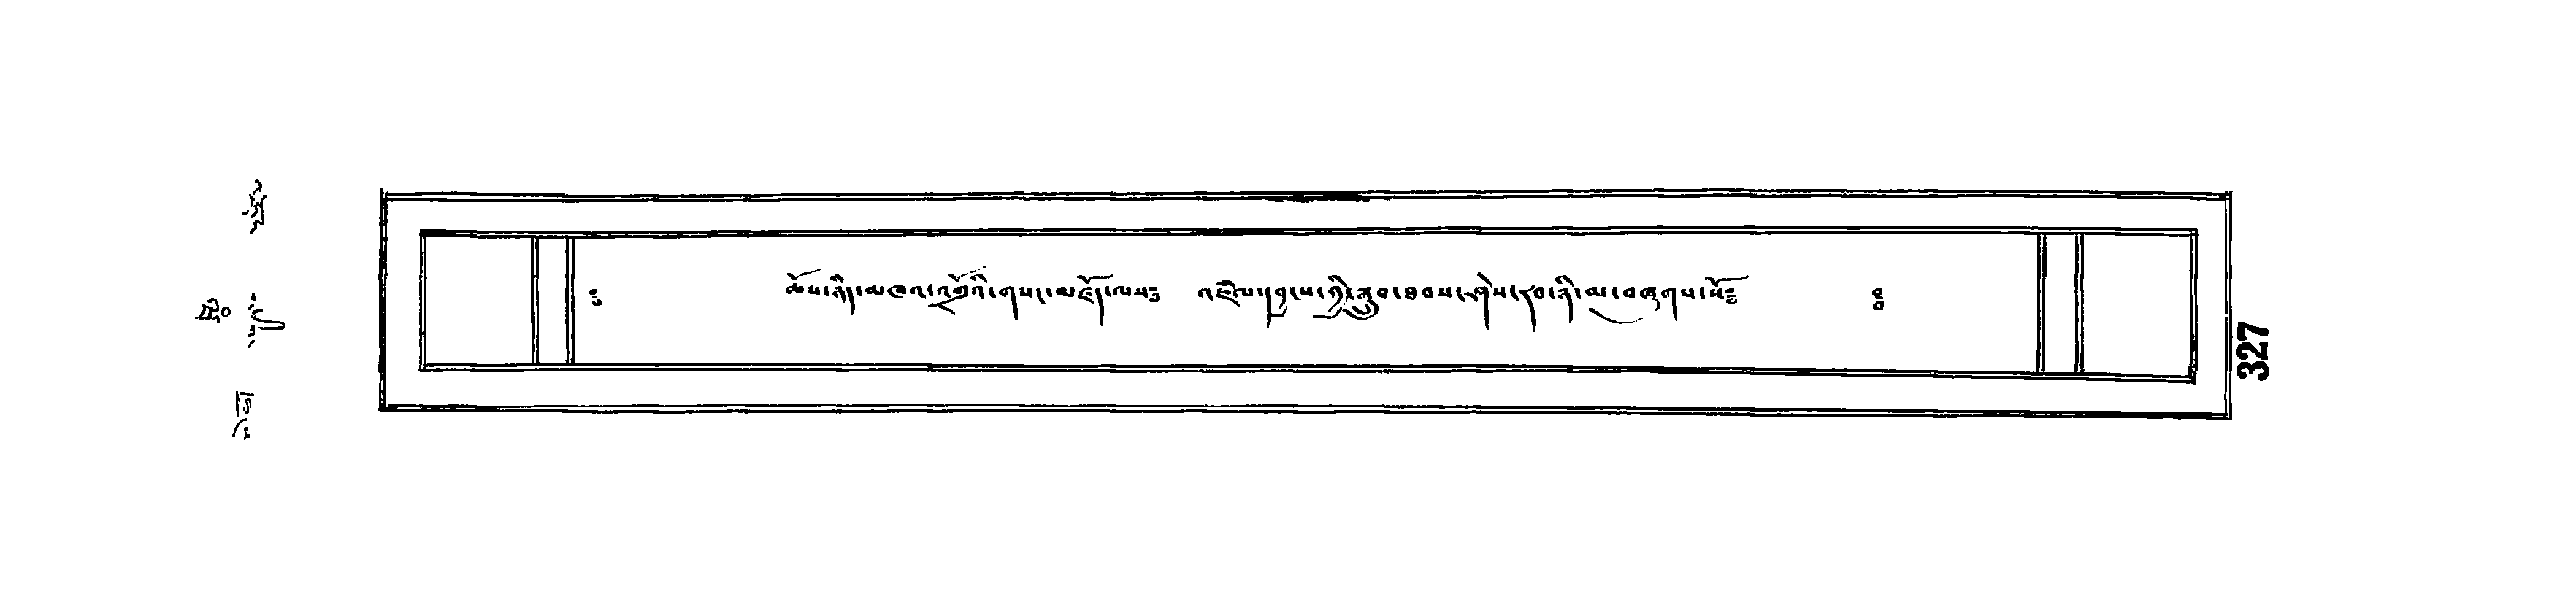ཆོས་ཉིད་མཁའ་འགྲོའི་གསང་མཛོད་ལས༔ འཇམ་དཔལ་དབྱངས་ཀྱི་སྒྲུབ་ཐབས་ཤེས་རབ་ཉི་མ་བཞུགས་སོ༔